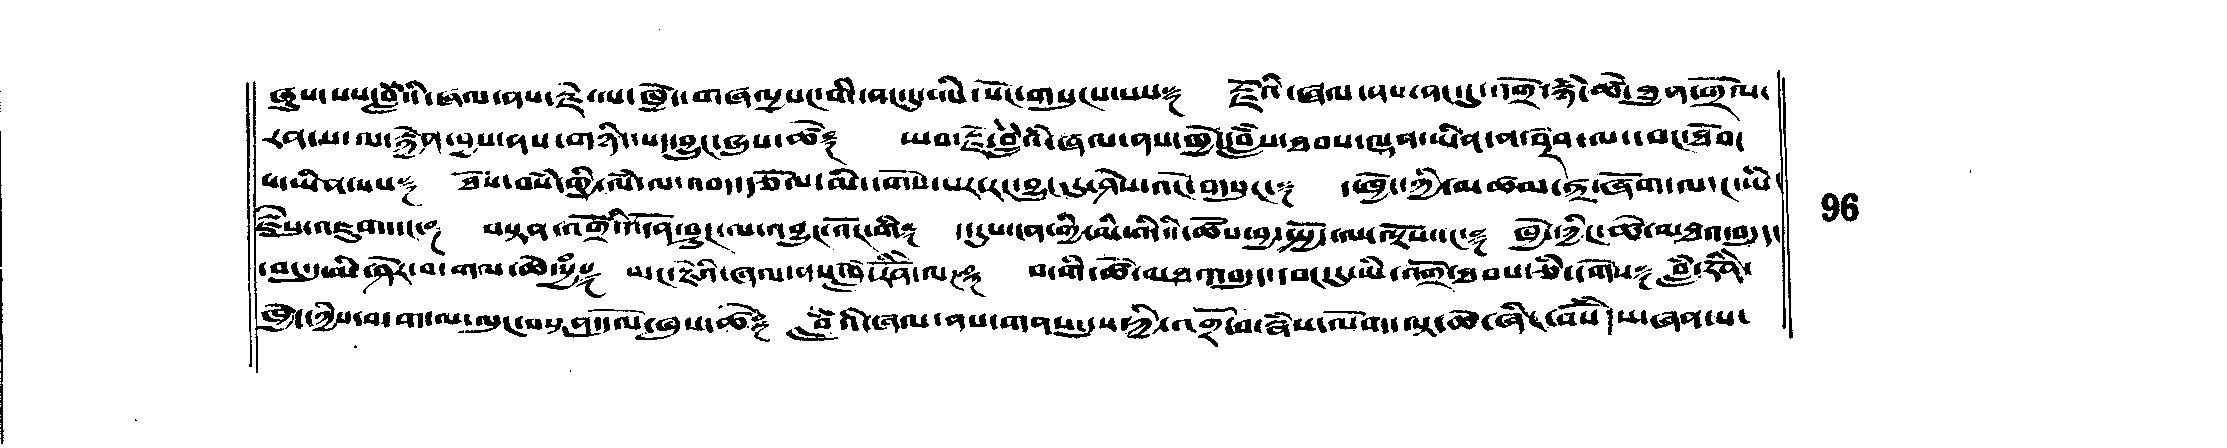ཞུས་པས་བླ་མའི་ཞལ་ནས་རྗེ་ལ་ཁྱེད་གཞལ་ཡས་ཁང་གི་ནང་དུ་ཨི་སོང་གསུངས་པས། རྗེའི་ཞལ་ནས་ནང་དུ་འགྲོ་སྙམ་ཚེ་ཐུན་གྲོལ་
རན་པ་ལ་རྐྱེན་བྱས་ནས་གཉིད་སད་བྱུང་ཞུས་ཚེ། ཡབ་རྗེ་བླ་མའི་ཞལ་ནས་ཁྱོད་བློ་གྲོས་ཐབས་ལྡན་ཡིན་ན་ཤེས་རབ་ལ་དབང་ཐོབ་
པ་ཡིན་པས། ཐོས་བསམ་གྱི་ལམ་ལ་འབད་རྩོལ་མི་དགོས་པར་རང་བྱུང་དུ་ཤེས་འོང་གསུང་། ད་ཁྱོད་ཀྱི་མཚམས་སྐྲ་ཞོག་ལ་ང་ཡི་
རྗེས་སུ་འཇུག་དང་། བསྟན་འགྲོའི་དོན་ཤུགས་ལ་འབྱུང་འོང་གི། ད་དུས་ངན་གྱི་མི་འདི་ཚོའི་བྱ་སྤྱོད་ལ་ལྟོས་དང་། ཁྱོད་ཀྱི་ཚེ་མཐའ་བདུད་
དབང་དུ་མི་ཤོར་བ་གལ་ཆེ་གསུངས། ཡང་རྗེའི་ཞལ་ནས་བླ་མ་རིན་པོ་ཆེ་ལགས། བདག་གི་ཚེ་མཐའ་བདུད་དབང་དུ་མི་འགྲོ་ཐབས་ཅི་དགོས། བླ་མ་རིན་པོ་ཆེ་
ཁྱོད་ཀྱིས་བདག་ལ་ལུང་བསྟན་དུ་གསོལ་ཞུས་ཚེ། བླ་མའི་ཞལ་ནས་གནས་དུས་ཀྱི་འགྲོ་བ་རྣམས་ལོག་ལྟ་ཆེ་ཞིང་བསོད་ནམས་ཞན་པ་